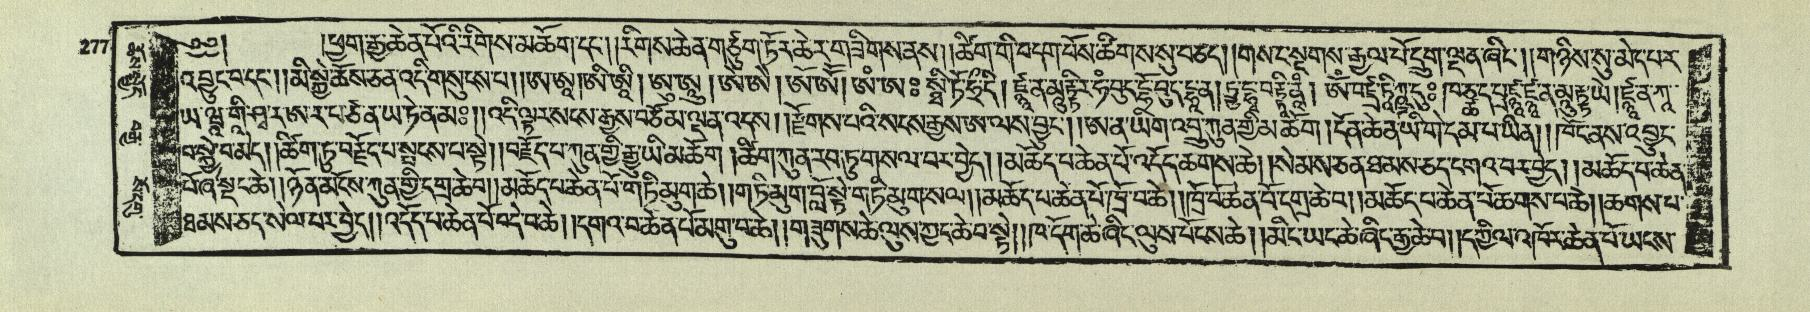༄༅། །ཕྱག་རྒྱ་ཆེན་པོའི་རིགས་མཆོག་དང་། །རིགས་ཆེན་གཙུག་ཏོར་ཆེར་གཟིགས་ནས། །ཚིག་གི་བདག་པོས་ཚིགས་སུ་བཅད། །གསང་སྔགས་རྒྱལ་པོ་དྲུག་ལྡན་ཞིང་། །གཉིས་སུ་མེད་པར་
འབྱུང་བ་དང་། །མི་སྐྱེ་ཆོས་ཅན་འདི་གསུངས་པ། །ཨ་ཨཱ། ཨི་ཨཱི། ཨུ་ཨཱུ། ཨེ་ཨཻ། ཨོ་ཨཽ། ཨཾ་ཨཿསྠི་ཏོ་ཧྲྀ་དི། ཛྙའ་ན་མཱུརྟྟི་ར་ཧཾ་བུད་དྷོ་བུད་དྷཱ་ན། ཏཊཿཨ?་དྷྭ་བརྟྟཱི་ནཱི། ཨོཾ་བཛྲ་ཏཱི་ཀྵྜ་དུཿཁ་ཅཚ་ད་པྲཛྙཱ་ཛྙཱ་ན་མཱུརྟྟ་ཡེ། ཛྙའ་ན་ཀཱ་
ཡ་ཝཱ་གའི་ཤྭ་ར་ཨ་ར་པ་ཙ་ན་ཡ་ཏེ་ན་མཿ། །འདི་ལྟར་སངས་རྒྱས་བཅོམ་ལྡན་འདས། །རྫོགས་པའི་སངས་རྒྱས་ཨ་ལས་བྱུང་། །ཨ་ན་ཡིག་འབྲུ་ཀུན་གྱི་མཆོག །དོན་ཆེན་ཡི་གེ་དམ་པ་ཡིན། །ཁོང་ནས་འབྱུང་
བ་སྐྱེ་བ་མེད། །ཚིག་ཏུ་བརྗོད་པ་སྤངས་པ་སྟེ། །བརྗོད་པ་ཀུན་གྱི་རྒྱུ་ཡི་མཆོག །ཚིག་ཀུན་རབ་ཏུ་གསལ་བར་བྱེད། །མཆོད་པ་ཆེན་པོ་འདོད་ཆགས་ཆེ། །སེམས་ཅན་ཐམས་ཅད་དགའ་བར་བྱེད། །མཆོད་པ་ཆེན་
པོ་ཞེ་སྡང་ཆེ། །ཉོན་མོངས་ཀུན་གྱི་དགྲ་ཆེ་བ། །མཆོད་པ་ཆེན་པོ་གཏི་མུག་ཆེ། །གཏི་མུག་བློ་སྟེ་གཏི་མུག་སལ། །མཆོད་པ་ཆེན་པོ་ཁྲོ་བ་ཆེ། །ཁྲོ་བ་ཆེན་པོ་དགྲ་ཆེ་བ། །མཆོད་པ་ཆེན་པོ་ཆགས་པ་ཆེ། །ཆགས་པ་
ཐམས་ཅད་སེལ་བར་བྱེད། །འདོད་པ་ཆེན་པོ་བདེ་བ་ཆེ། །དགའ་བ་ཆེན་པོ་མགུ་བ་ཆེ། །གཟུགས་ཆེ་ལུས་ཀྱང་ཆེ་བ་སྟེ། །ཁ་དོག་ཆེ་ཞིང་ལུས་པོངས་ཆེ། །མིང་ཡང་ཆེ་ཞིང་རྒྱ་ཆེ་བ། །དཀྱིལ་འཁོར་ཆེན་པོ་ཡངས་